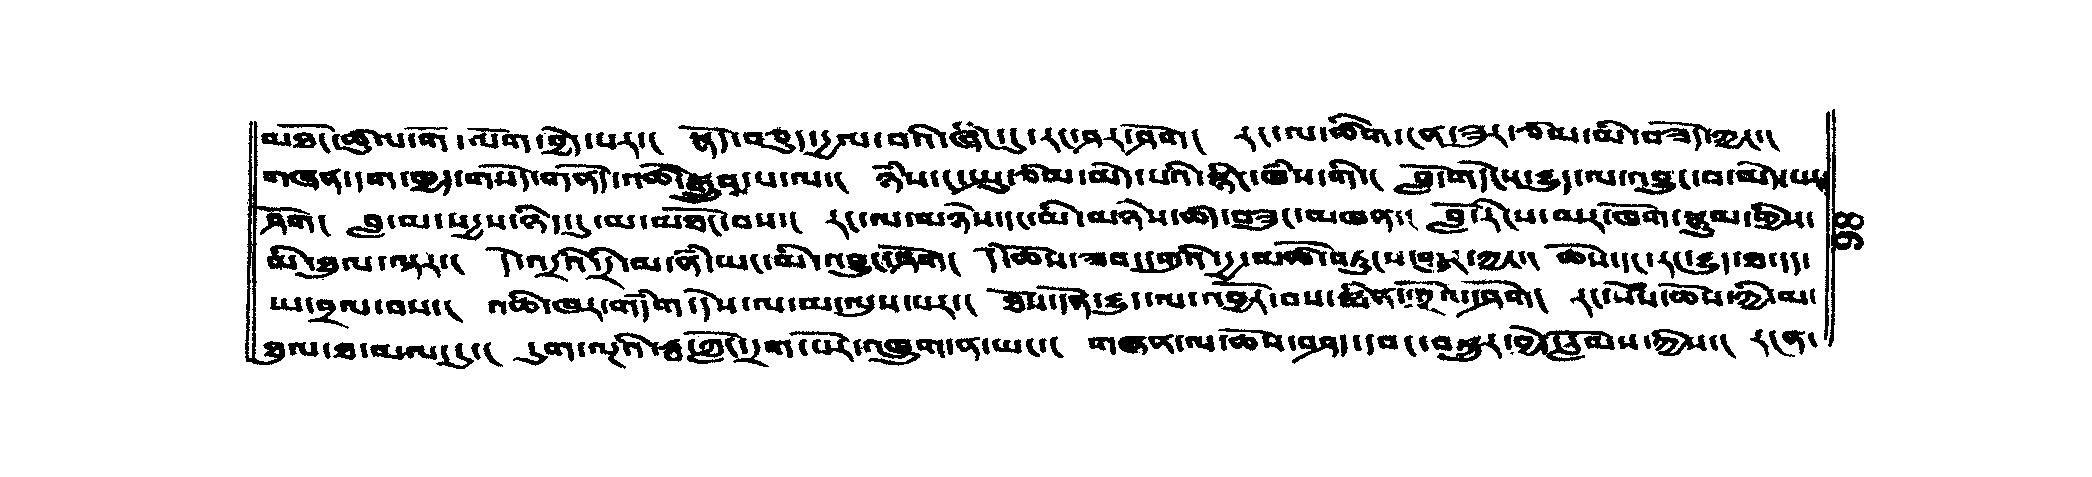མཐོང་ཚུལ་གོ་ལོག་མི་བྱེད་པར། །སྣོད་བཅུད་རྒྱལ་བའི་ཞིང་དུ་རང་ཤར་ཤོག །རང་ལ་ཚིག་ངན་ཟུར་ཙམ་མི་བཟོད་ཀྱང་། 
གཞན་དག་ཁྱད་གསོད་གནོད་འཚེ་སྒྲུབ་པ་ལ། །ཉམས་ང་སྤུ་ཙམ་མེད་པའི་སྙིང་ཁམས་ཀྱི། །བློ་གདེངས་རྒྱུད་ལ་འབྱུང་བ་མེད་པར་
ཤོག །བླ་མ་སངས་རྒྱས་ཉིད་དུ་མ་མཐོང་བས། །རང་ལ་མཉེས་དང་མི་མཉེས་ཚད་བཟུང་མཁན། །བློ་རིངས་མར་ཁོག་སྣུམ་གྱིས་
མི་ཐུལ་ལྟར། །དེ་འདྲའི་དྲི་མ་ནམ་ཡང་མི་འབྱུང་ཤོག །དམ་ཆོས་ཟབ་དགུའི་རྒྱ་མཚོ་བཏུངས་གྱུར་ཀྱང་། །ཆོས་དང་རང་རྒྱུད་ཐ་དད་
ཡ་བྲལ་བས། །འཆི་ཁར་གདམས་ངག་དཔེ་ལ་མ་ལུས་པར། །ཐོས་དོན་རྒྱུད་ལ་འབྱོར་བས་སྨིན་གྲོལ་ཤོག །རང་སེམས་ཆོས་ཀྱི་མ་
ཐུལ་ཐ་མལ་དུ། །དུག་ལྔའི་རྦ་ཀློང་དྲག་པོར་འཁྲུགས་ན་ཡང་། །གཞན་ལ་ཆོས་བཤད་དབང་བསྐུར་བྱེད་རློམས་ཀྱིས། །རང་གཞན་